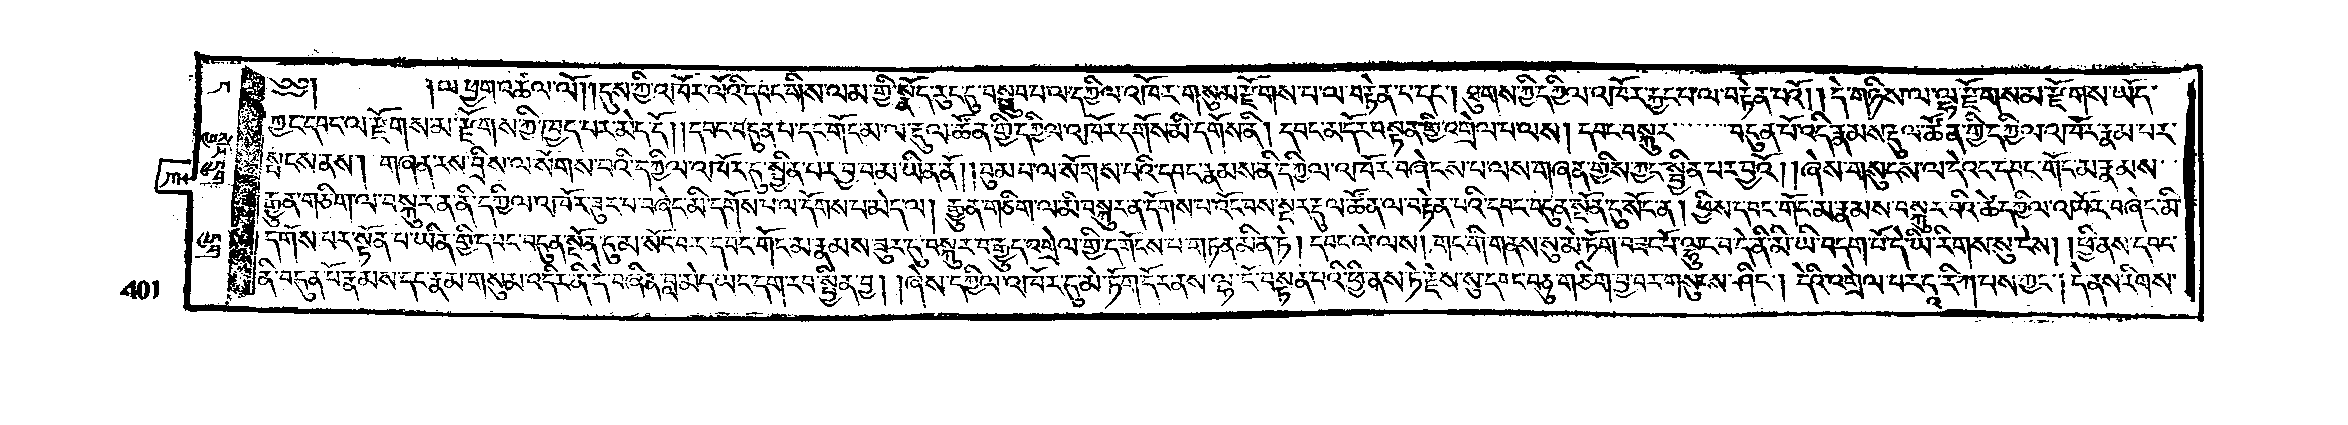༄༅། །ལ་ཕྱག་འཚལ་ལོ། །དུས་ཀྱི་འཁོར་ལོའི་དབང་གིས་ལམ་གྱི་སྣོད་རུང་དུ་བསྒྲུབ་པ་ལ་དཀྱིལ་འཁོར་གསུམ་རྫོགས་པ་ལ་བརྟེན་པ་དང་། ཐུགས་ཀྱི་དཀྱིལ་འཁོར་རྐྱང་པ་ལ་བརྟེན་པའོ། །དེ་གཉིས་ལ་ལྷ་རྫོགས་མ་རྫོགས་ཡོད་
ཀྱང་དབང་ལ་རྫོགས་མ་རྫོགས་ཀྱི་ཁྱད་པར་མེད་དོ། །དབང་བདུན་པ་དང་གོང་མ་ལ་རྡུལ་ཚོན་གྱི་དཀྱིལ་འཁོར་དགོས་མི་དགོས་ནི། དབང་མདོར་བསྟན་གྱི་འགྲེལ་པ་ལས། དབང་བསྐུར་བདུན་པོ་འདི་རྣམས་རྡུལ་ཚོན་གྱི་དཀྱིལ་འཁོར་རྣམ་པར་
སྤངས་ནས། གཞན་རས་བྲིས་ལ་སོགས་པའི་དཀྱིལ་འཁོར་དུ་སྦྱིན་པར་བྱ་བ་མ་ཡིན་ནོ། །བུམ་པ་ལ་སོགས་པའི་དབང་རྣམས་ནི་དཀྱིལ་འཁོར་བཞེངས་པ་ལས་གཞན་གྱིས་ཀྱང་སྦྱིན་པར་བྱའོ། །ཞེས་གསུངས་ལ་དེའང་དབང་གོང་མ་རྣམས་
རྒྱུན་གཅིག་ལ་བསྐུར་ན་ནི་དཀྱིལ་འཁོར་ཟུར་པ་བཞེད་མི་དགོས་པ་ལ་དོགས་པ་མེད་ལ། རྒྱུན་གཅིག་ལ་མི་བསྐུར་ན་དོགས་པ་འོང་བས་སྔར་རྡུལ་ཚོན་ལ་བརྟེན་པའི་དབང་བདུན་སྔོན་དུ་སོང་ན། ཕྱིས་དབང་གོང་མ་རྣམས་བསྐུར་བའི་ཚེ་དཀྱིལ་འཁོར་བཞེང་མི་
དགོས་པར་སྟོན་པ་ཡིན་གྱི་དབང་བདུན་སྔོན་དུ་མ་སོང་བར་དབང་གོང་མ་རྣམས་ཟུར་དུ་བསྐུར་བ་རྒྱུད་འགྲེལ་གྱི་དགོངས་པ་གཏན་མིན་ཏེ། དབང་ལེ་ལས། གང་གི་གནས་སུ་མེ་ཏོག་བཟང་པོ་ལྷུང་བ་དེ་ནི་མི་ཡི་བདག་པོ་དེ་ཡི་རིགས་སུ་ངེས། །ཕྱི་ནས་དབང་
ནི་བདུན་པོ་རྣམས་དང་རྣམ་གསུམ་འདིར་ནི་དེ་བཞིན་བླ་མེད་ཡང་དག་རབ་སྦྱིན་བྱ། །ཞེས་དཀྱིལ་འཁོར་དུ་མེ་ཏོག་དོར་ནས་ལྷ་ངོ་བསྟན་པའི་ཕྱི་ནས་ཏེ་རྗེས་སུ་དབང་བཅུ་གཅིག་བྱ་བར་གསུངས་ཤིང་། དེའི་འགྲེལ་པར་དཱ་རི་ཀ་པས་ཀྱང་། དེ་ནས་རིགས་